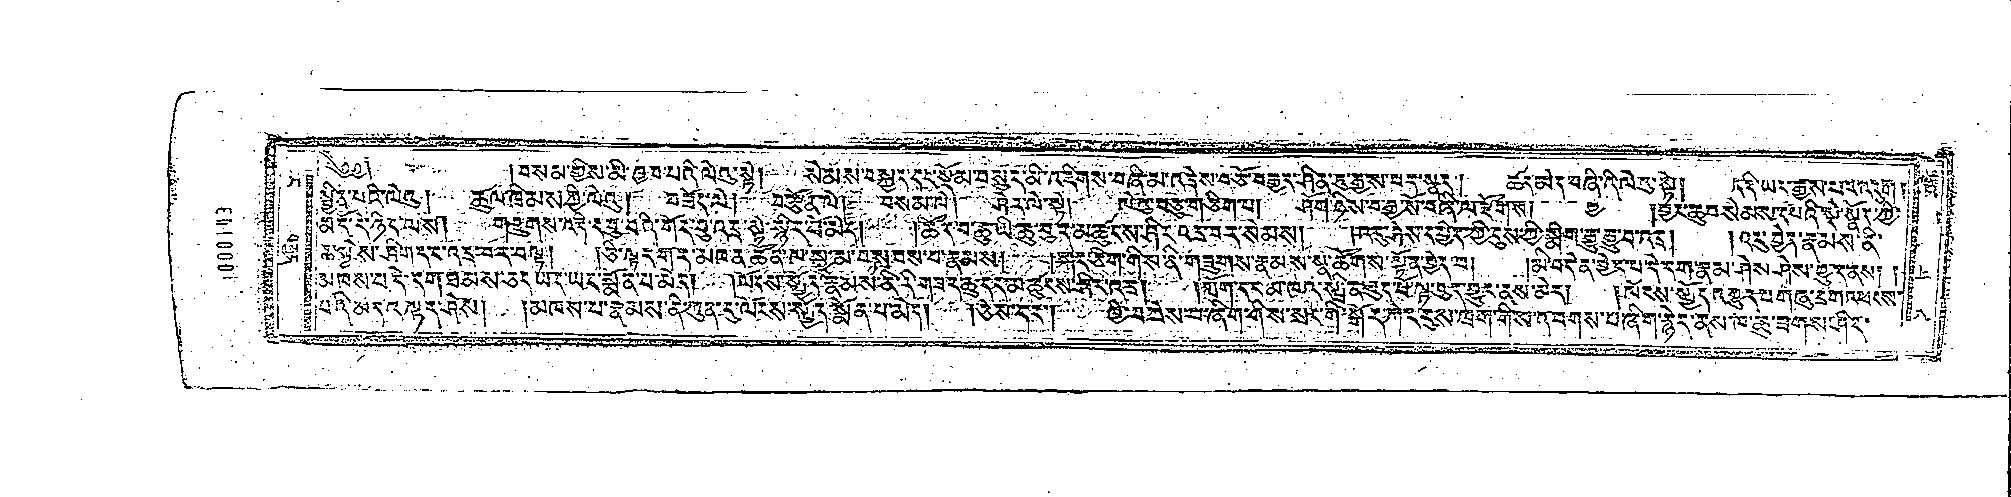༄༅། །བསམ་གྱིས་མི་ཁྱབ་པའི་ལེའུ་སྟེ། སེམས་བསྐྱེད་དང་སྡོམ་བསྲུང་མི་འཇིགས་བཞི་མ་འདྲེས་བཅོ་བརྒྱད་ཤིན་ཏུ་རྒྱས་པར་སྣང་། ཚད་མེད་བཞིའི་ལེའུ་སྟེ། འདི་ཡང་རྒྱས་པར་འདུག་
སྦྱིན་པའི་ལེའུ། ཚུལ་ཁྲིམས་ཀྱི་ལེའུ། བཟོད་ལེ། བརྩོན་ལེ། བསམ་ལེ། ཤེར་ལེ་སྟེ། ལེའུ་བཅུ་གཅིག་པ། ཤོག་ཉིས་བརྒྱ་སོ་བཞི་ལ་རྫོགས། ༧་།བྱང་ཆུབ་སེམས་དཔའི་སྡེ་སྣོད་ཀྱི་
མདོ་དེ་ཉིད་ལས། གཟུགས་འདི་དབུ་བའི་གོད་བུ་འདྲ་སྟེ་སྙིང་པོ་མེད། །ཚོད་བ་ཆུ་ཡི་ཆུ་བུར་མཚུངས་ཤིང་འདྲ་བར་སེམས། །འདུ་ཤེས་དཔྱིད་ཀྱི་དུས་ཀྱི་སྨིག་རྒྱུ་རྒྱུ་བ་འདྲ། །འདུ་བྱེད་རྣམས་ནི་
ཆ་སྐྱེས་ཤིག་དང་འདྲ་བར་བལྟ། །ཅི་ལྟར་གར་མཁན་ཚོན་ལ་སྒྱུ་མ་བསླབས་པ་རྣམས། །སྐད་ཅིག་གིས་ནི་གཟུགས་རྣམས་སྣ་ཚོགས་སྟོན་བྱེད་བ། །མི་བདེན་བྱེད་པ་དེ་དག་རྣམ་ཤེས་ཤེས་གྱུར་ནས། །
མཁས་པ་དེ་དག་ཐམས་ཅད་ཡང་ཡང་སྨོན་པ་མེད། །ལོངས་སྤྱོད་རྣམས་ནི་རི་གཟར་ཆུ་དང་མཚུངས་ཤིང་འདྲ། །གློག་དང་མཁའ་སྤྲིན་ཕུང་པོ་ལྟ་བུར་བྱུང་ནས་མེད། །ལོངས་སྤྱོད་འགྱུར་པ་གཞུ་དྲག་འཕངས་
པའི་མདའ་ལྟར་ཤེས། །མཁས་པ་རྣམས་ནི་ཀུན་དུ་ལོངས་སྤྱོད་སྨོན་པ་མེད། །ཅེས་དང་། ཁྱི་བཀྲེས་པ་ཞིག་གིས་སྲང་གི་སྒོར་ཀེར་རུས་ཁྲག་གིས་འབགས་པ་ཞིག་རྙེད་ནས་ཁ་ཆུ་ཟགས་ཤིང་